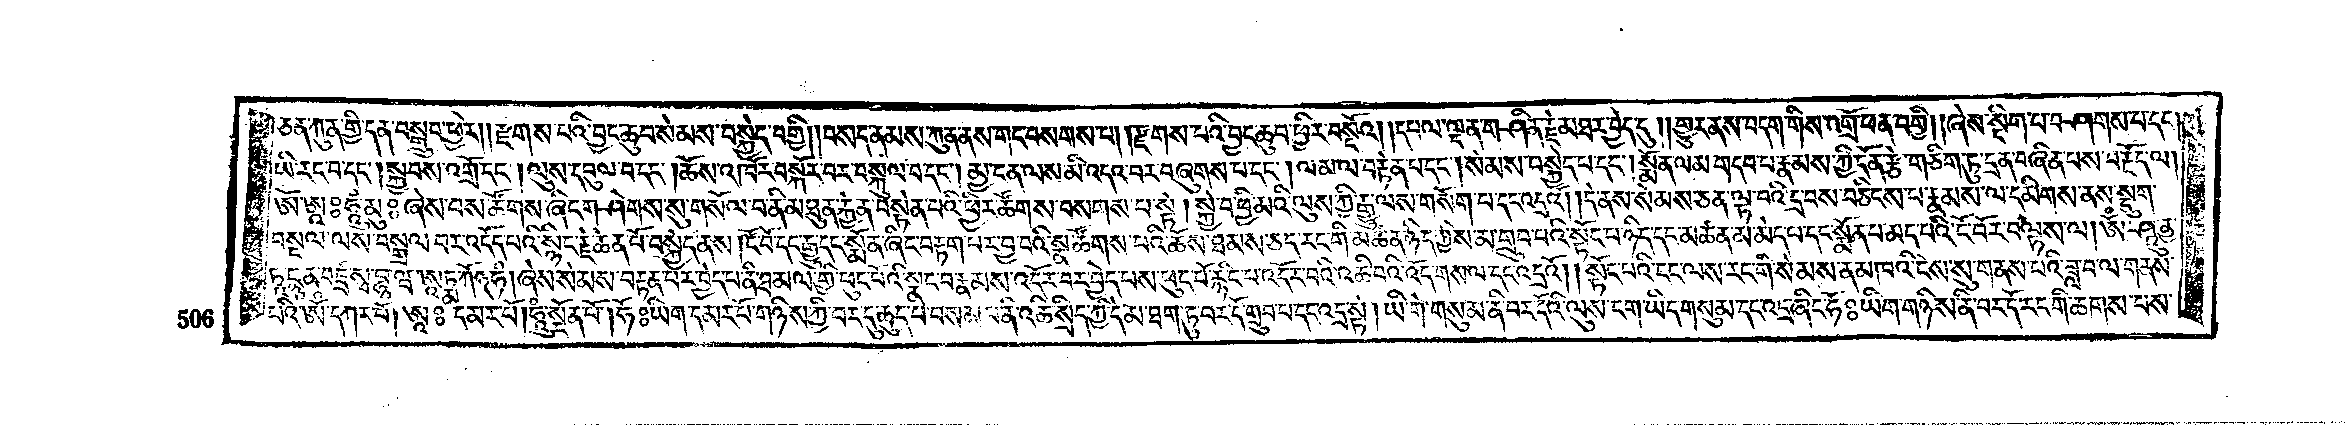ཅན་ཀུན་གྱི་དོན་བསྒྲུབ་ཕྱིར། །རྫོགས་པའི་བྱང་ཆུབ་སེམས་བསྐྱེད་བགྱི། །བསོད་ནམས་ཀུན་ནས་གང་བསགས་པ། །རྫོགས་པའི་བྱང་ཆུབ་ཕྱིར་བསྔོའོ། །དཔལ་ལྡན་གཤིན་རྗེ་མཐར་བྱེད་དུ། །གྱུར་ནས་བདག་གིས་འགྲོ་ཕན་བགྱི། །ཞེས་སྡིག་པ་བཤགས་པ་དང་།
ཡི་རང་བ་དང་། སྐྱབས་འགྲོ་དང་། ལུས་དབུལ་བ་དང་། ཆོས་འཁོར་བསྐོར་བར་བསྐལ་བ་དང་། མྱ་ངན་ལས་མི་འདའ་བར་བཞུགས་པ་དང་། ལམ་ལ་བརྟེན་པ་དང་། སེམས་བསྐྱེད་པ་དང་། སྨོན་ལམ་གདབ་པ་རྣམས་ཀྱི་དོན་རྩེ་གཅིག་ཏུ་དྲན་བཞིན་པས་བརྗོད་ལ།
ཨོཾ་ཨཱཿ ཧཱུཾ་མུཿ ཞེས་པས་ཚོགས་ཞིང་གཤེགས་སུ་གསོལ་བ་ནི་མཐུན་རྐྱེན་བསྟེན་པའི་ཕྱིར་ཚོགས་བསགས་པ་སྟེ། སྐྱེ་བ་ཕྱི་མའི་ལུས་ཀྱི་རྒྱུ་ལས་གསོག་པ་དང་འདྲའོ། །དེ་ནས་སེམས་ཅན་ལྟ་བའི་དྲ་བས་བཅིངས་པ་རྣམས་ལ་དམིགས་ནས་སྡུག་
བསྔལ་ལས་བསྒྲལ་བར་འདོད་པའི་སྙིང་རྗེ་ཆེན་པོ་བསྐྱེད་ནས། ངོ་བོ་དང་རྒྱུ་དང་སྨོན་ཞིང་བརྟག་པར་བྱ་བའི་སྣ་ཚོགས་པའི་ཆོས་ཐམས་ཅད་རང་གི་མཚན་ཉིད་ཀྱིས་མ་གྲུབ་པའི་སྟོང་པ་ཉིད་དང་མཉན་མ་མེད་པ་དང་སྨོན་པ་མེད་པའི་ངོ་བོར་བལྟས་ལ། ཨོཾ་ཤཱུ་ནྱ་
ཏཱ་ཛྙཱ་ནཱ་བཛྲ་སྭ་བྷཱ་ཝ་ཨཱཏྤ་ཀོཉ་ཧཾ། ཞེས་སེམས་བརྟན་པར་བྱེད་པ་ནི་ཐ་མལ་གྱི་ཕུང་པོའི་སྣང་བ་རྣམས་འདོར་བར་བྱེད་པས་ཕུང་པོ་རྙིང་པ་འདོར་བའི་འཆི་བའི་འོད་གསལ་དང་འདྲའོ། །སྟོང་པའི་ངང་ལས་རང་གི་སེམས་ནམ་མཁའི་ངོས་སུ་གནས་པའི་ཟླ་བ་ལ་གནས་
པའི་ཨོཾ་དཀར་པོ། ཨཱཿ དམར་པོ། ཧཱུཾ་སྔོན་པོ། ཧོཿ ཡིག་དམར་པོ་གཉིས་ཀྱི་བར་དུ་ཆུད་པ་བསམ་པ་ནི་འཆི་སྲིད་ཀྱི་དེ་མ་ཐག་ཏུ་བར་དོ་གྲུབ་པ་དང་འདྲ་སྟེ། ཡི་གེ་གསུམ་ནི་བར་དོའི་ལུས་ངག་ཡིད་གསུམ་དང་འདྲ་ཞིང་ཧོཿ ཡིག་གཉིས་ནི་བར་དོ་རང་གི་ཆགས་པས་